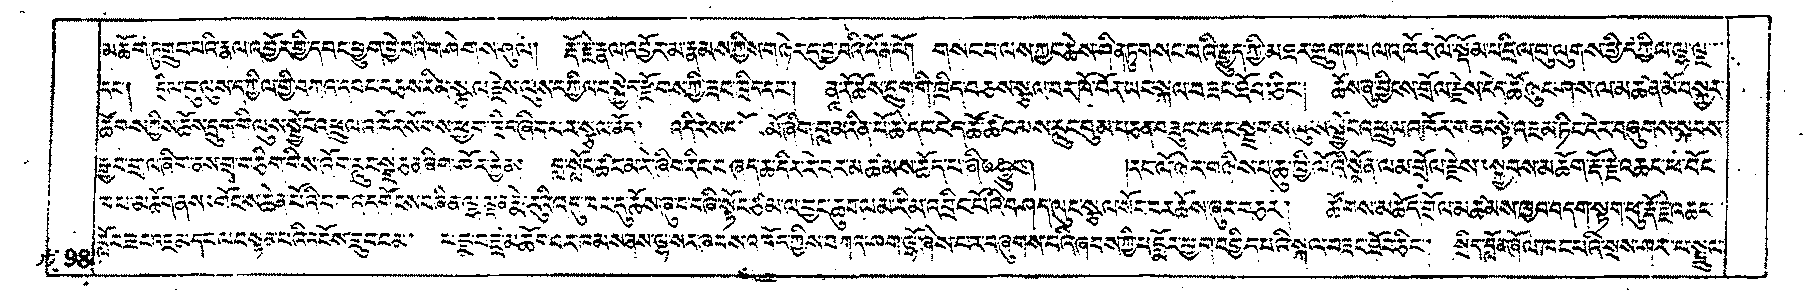མཆོག་ཏུ་གྲུབ་པའི་རྣལ་འབྱོར་གྱི་དབང་ཕྱུག་བྱེ་བའི་གཤེགས་ཤུལ། རྡོ་རྗེ་རྣལ་འབྱོར་མ་རྣམས་ཀྱིས་གཉེར་དུ་བྱ་བའི་དོན་པོ། གསང་བ་ལས་ཀྱང་ཆེས་ཤིན་ཏུ་གསང་བའི་རྒྱུད་ཀྱི་མཐར་ཐུག་དཔལ་འཁོར་ལོ་སྡོམ་པ་དྲིལ་བུ་ལུགས་ཕྱི་དཀྱིལ་ལྷ་ལྔ་
དང་། དྲིལ་བུ་ལུས་དཀྱིལ་གྱི་བཀའ་དབང་བཅས་རིམ་སྩལ་རྗེས་ལུས་དཀྱིལ་བསྐྱེད་རྫོགས་ཀྱི་ཟབ་ཁྲིད་དང་། ནཱ་རོ་ཆོས་དྲུག་གི་ཁྲིད་བཅས་སྩལ་བར་ཁོ་བོར་ཡང་སྐལ་བཟང་ཐོབ་ཅིང་། ཆོས་ཞུ་བྱིངས་གྲོལ་རྗེས་ངེད་ཚོ་ཉུང་ཤས་ལ་མཚན་མོ་བསྐྱར་
ཚོགས་ཀྱིས་ཆོས་དྲུག་གི་ལུས་སྦྱོང་འཕྲུལ་འཁོར་སོགས་ཕྱག་ཁྲིད་ཞིབ་པར་སྩལ་ནོད། འདི་རེས་དགོང་མོ་ཞིག་བླ་མ་རིན་པོ་ཆེ་དང་ངེད་ཚོ་ཚང་མས་རླུང་བུམ་པ་ཅན་བཟུང་བ་དང་སྦྲགས་ལུས་སྦྱོང་འཕྲུལ་འཁོར་གནང་སྟེ་འཇམ་ཏིང་ངེར་བཞུགས་སྐབས་
རྒྱབ་གྲལ་ཞིག་ནས་གྲྭ་གཅིག་གིས་འོག་རླུང་སྒྲ་ཅན་ཞིག་ཤོར་རྐྱེན། བླ་སློབ་ཚང་མ་རེ་ཞིག་རིང་བཞད་ཆ་དིར་རེ་བར་མཚམས་ཆོད་པ་ཞིག་བྱུང་། ?་།རང་ལོ་ཉེར་གཉིས་པ་ཆུ་ཁྱི་ལོའི་སྨོན་ལམ་གྲོལ་རྗེས་༧སྐྱབས་མཆོག་རྡོ་རྗེ་འཆང་ཕ་བོང་
ཁ་པ་མཆོག་ནས་༧གོང་ས་ཆེན་པོའི་བཀའ་དགོངས་བཞིན་ལྷ་ལྡན་རྨེ་རུའི་འདུ་ཁང་དུ་ཆོས་ཞུ་བ་བཞི་སྟོང་ཙམ་ལ་བྱང་ཆུབ་ལམ་རིམ་འབྲིང་པོའི་བཤད་ལུང་སྩལ་སོང་བར་ཆོས་ཞུར་བཅར། ཚོགས་མཆོད་གྲོལ་མཚམས་ཁྱབ་བདག་སྟག་ཕུ་རྡོ་རྗེ་འཆང་
བློ་བཟང་འཇམ་དཔལ་བསྟན་པའི་དངོས་གྲུབ་བམ། པདམ་བཛྲ་མཆོག་བར་ཁམས་ནས་ལྷ་སར་ཞབས་འཁོད་ཀྱིས་བཀའ་ཤག་ལྷོ་ཞེས་པར་བཞུགས་པའི་ཞབས་ཀྱི་པདམོར་ཕྱག་བགྱིད་པའི་སྐལ་བཟང་ཐོབ་ཅིང་། སྲིད་བློན་ཞོལ་ཁང་པའི་སྲས་ཤར་པ་སྤྲུལ་